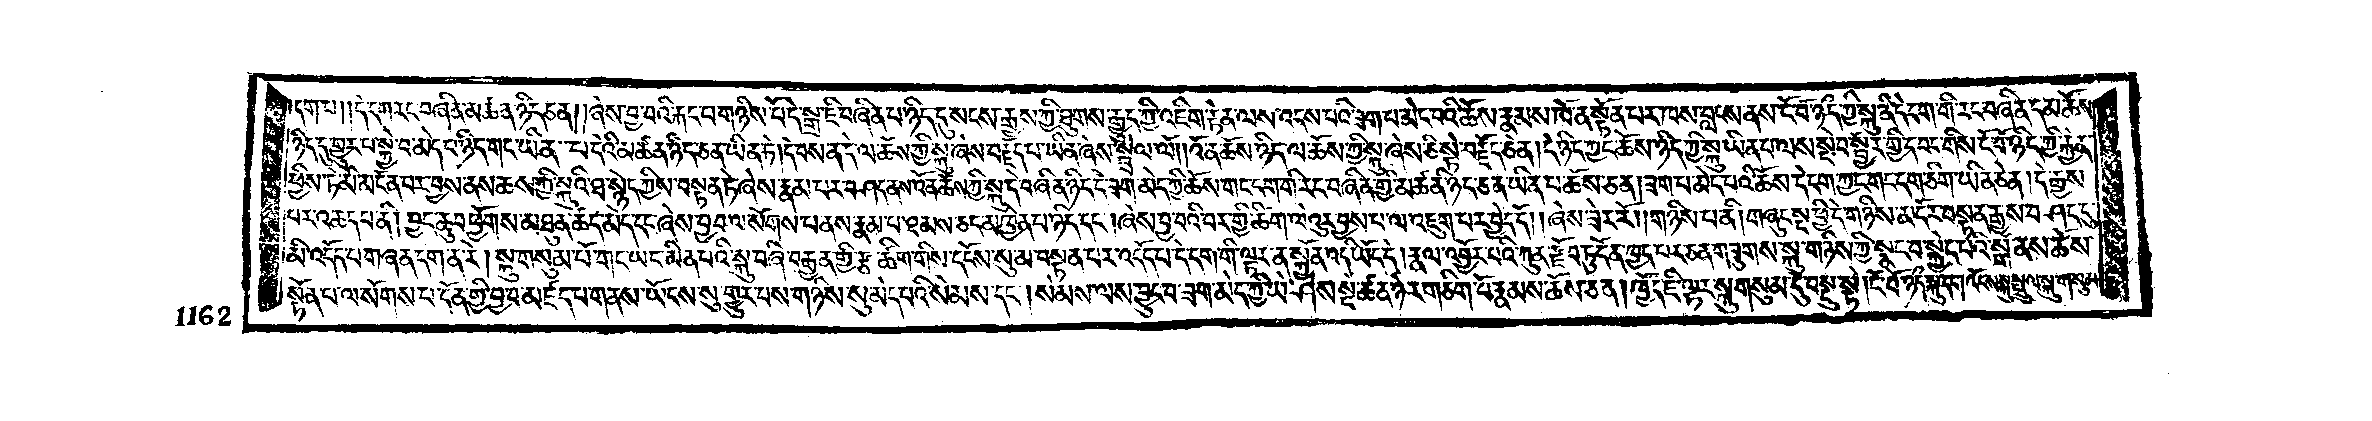དག་པ། །དེ་དག་རང་བཞིན་མཚན་ཉིད་ཅན། །ཞེས་བྱ་བའི་རྐང་པ་གཉིས་པོ་དེ་སྒྲ་ཇི་བཞིན་པ་ཉིད་དུ་སངས་རྒྱས་ཀྱི་ཐུགས་རྒྱུད་ཀྱི་འཇིག་རྟེན་ལས་འདས་པའི་ཟག་པ་མེད་པའི་ཆོས་རྣམས་ཁོ་ན་སྟོན་པར་ཁས་བླངས་ནས་ངོ་བོ་ཉིད་ཀྱི་སྐུ་ནི་དེ་དག་གི་རང་བཞིན་དམ་ཆོས་
ཉིད་དུ་གྱུར་པ་སྐྱེ་བ་མེད་པ་ཉིད་གང་ཡིན་པ་དེའི་མཚན་ཉིད་ཅན་ཡིན་ཏེ། དེ་བས་ན་དེ་ལ་ཆོས་ཀྱི་སྐུ་ཞེས་བརྗོད་པ་ཡིན་ཞེས་སྤྲེལ་ལོ། །འོ་ན་ཆོས་ཉིད་ལ་ཆོས་ཀྱི་སྐུ་ཞེས་ཅི་སྟེ་བརྗོད་ཅེ་ན། དེ་ཉིད་ཀྱང་ཆོས་ཉིད་ཀྱི་སྐུ་ཡིན་པ་ལས་སྡེབ་སྦྱོར་གྱི་དབང་གིས་ངོ་བོ་ཉིད་ཀྱི་རྐྱེན་
ཕྱིས་ཏེ་མི་མངོན་པར་བྱས་ནས་ཆོས་ཀྱི་སྐུའི་ཐ་སྙེད་ཀྱིས་བསྟན་ཏེ་ཞེས་རྣམ་པར་བཤད་ནས་འོ་ན་ཆོས་ཀྱི་སྐུ་དེ་བཞིན་ཉིད་དེ་ཟག་མེད་ཀྱི་ཆོས་གང་དག་གི་རང་བཞིན་གྱི་མཚན་ཉིད་ཅན་ཡིན་པ་ཆོས་ཅན། ཟག་པ་མེད་པའི་ཆོས་དེ་དག་ཀྱང་གང་དག་ཅིག་ཡིན་ཅེ་ན། དེ་རྒྱས་
པར་འཆད་པ་ནི། བྱང་ཆུབ་ཕྱོགས་མཐུན་ཚད་མེད་དང་ཞེས་བྱ་བ་ལ་སོགས་པ་ནས་རྣམ་པ་ཐམས་ཅད་མཁྱེན་པ་ཉིད་དང་། ཞེས་བྱ་བའི་བར་གྱི་ཚིག་ལེའུར་བྱས་པ་ལ་འཇུག་པར་བྱེད་དོ། །ཞེས་ཟེར་རོ། །གཉིས་པ་ནི། གཞུང་སྔ་ཕྱི་དེ་གཉིས་མདོར་བསྟན་རྒྱས་བཤད་དུ་
མི་འདོད་པ་གཞན་དག་ན་རེ། སྐུ་གསུམ་པོ་གང་ཡང་མིན་པའི་སྐུ་བཞི་བརྒྱན་གྱི་རྩ་ཚིག་གིས་དངོས་སུ་མ་བསྟན་པར་འདོད་པ་དེ་དག་གི་ལྟར་ན་སྐྱོན་འདི་ཡོད་དེ། རྣལ་འབྱོར་པའི་ཀུན་རྫོབ་ཏུ་དོན་ཁྱད་པར་ཅན་གཟུགས་སྐུ་གཉིས་ཀྱི་སྣང་བ་སྐྱེད་པའི་སྒོ་ནས་ཆོས་
སྟོན་པ་ལ་སོགས་པ་དོན་གྱི་བྱ་བ་མཛད་པ་གནས་ཡོངས་སུ་གྱུར་པས་གཉིས་སུ་མེད་པའི་སེམས་དང་། སེམས་ལས་བྱུང་བ་ཟག་མེད་ཀྱི་ཡེ་ཤེས་སྡེ་ཚན་ཉེར་གཅིག་པོ་རྣམས་ཆོས་ཅན། ཁྱོད་ཇི་ལྟར་སྐུ་གསུམ་དུ་བསྡུ་སྟེ། ངོ་བོ་ཉིད་སྐུ་དང་། ལོངས་སྐུ་སྤྲུལ་སྐུ་གསུམ་